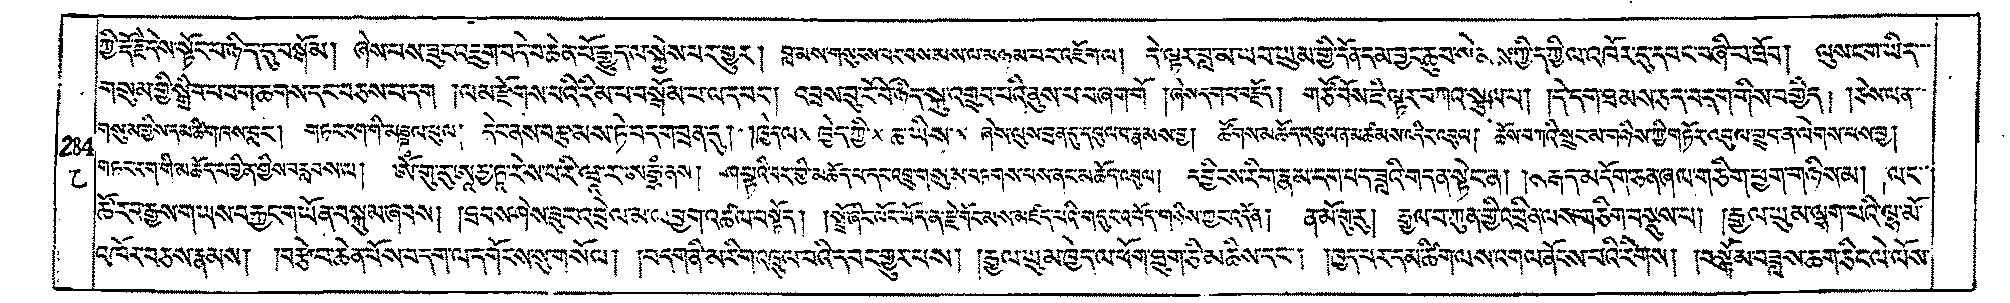ཀྱི་རྡོ་རྗེ་དེས་སྟོང་པ་ཉིད་དུ་བསྒོམ། ཞེས་པས་ཟུང་འཇུག་བདེ་བ་ཆེན་པོ་རྒྱུད་ལ་སྐྱེས་པར་གྱུར། བླ་མས་གསུངས་པར་བསམས་ལ་མཉམ་པར་འཇོག་ལ།  དེ་ལྟར་བླ་མ་ཡབ་ཡུམ་གྱི་དོན་དམ་བྱང་ཆུབ་སེམས་ཀྱི་དཀྱིལ་འཁོར་དུ་དབང་བཞི་པ་ཐོབ། ལུས་ངག་ཡིད་་་
གསུམ་གྱི་སྒྲིབ་པ་བག་ཆགས་དང་བཅས་པ་དག །ལམ་རྫོགས་པའི་རིམ་པ་བསྒོམ་པ་ལ་དབང་། འབྲས་བུ་ངོ་བོ་ཉིད་སྐུ་འགྲུབ་པའི་ནུས་པ་བཞག་གོ་།ཞེས་དག་པ་བརྗོད།  གཙོ་བོས་ཇི་ལྟར་བཀའ་སྩལ་པ། །དེ་དག་ཐམས་ཅད་བདག་གིས་བགྱིད། །ཅེས་ལན་་་
གསུམ་གྱིས་དམ་ཚིག་ཁས་བླང་། གཏང་རག་གི་མཎྜལ་ཕུལ། དེང་ནས་བརྩམས་ཏེ་བདག་བྲན་དུ། །ཁྱེད་ལ་྾་ཁྱེད་ཀྱི་྾་ཆ་ཡིས་྾་ཞེས་ལུས་བྲན་དུ་དབུལ་བ་རྣམས་བྱ། ཚོགས་མཆོད་འབུལ་ན་མཚམས་འདིར་འབུ། ཆོས་བཀའི་སྲུང་མ་གཉིས་ཀྱི་གཏོར་འབུལ་གྲུབ་ན་ལེགས་པས་བྱ།
གཏང་རག་གི་མཆོད་པ་བྱིན་གྱིས་བརླབས་ལ། ཨོཾ་གུ་རུ་ཨཱ་རྱ་ཏཱ་རེ་ས་པ་རི་ཝཱ་ར་ཨརྒྷཾ་ནས། ཤཔྟའི་བར་གྱི་མཆོད་པ་དང་འབྲུ་གསུམ་བཏགས་པས་ནང་མཆོད་འབུལ།  དབྱིངས་རིག་རྣམ་དག་པད་ཟླའི་གདན་སྟེང་ན། །རྒད་མདོག་ཅན་ཞལ་གཅིག་ཕྱག་གཉིས་མ། །ལང་་་
ཚོ་རབ་རྒྱས་གཡས་བརྐྱང་གཡོན་བསྐུམ་ཞབས། །ཐབས་ཤེས་ཟུང་འབྲེལ་མ་ལ་ཕྱག་འཚལ་བསྟོད། །སྤྲོ་ཞིང་ལོང་ཡོད་ན་རྗེ་གོང་མས་མཛད་པའི་གདུང་འབོད་གཉིས་ཀྱང་འདོན།  ན་མོ་གུ་རུ། རྒྱལ་བ་ཀུན་གྱི་འཕྲིན་ལས་གཅིག་བསྡུས་པ། །རྒྱལ་ཡུམ་ལྷག་པའི་ལྷ་མོ་
འཁོར་བཅས་རྣམས། །བརྩེ་བ་ཆེན་པོས་བདག་ལ་དགོངས་སུ་གསོལ། །བདག་ནི་མ་རིག་འཁྲུལ་བའི་དབང་གྱུར་པས། །རྒྱལ་ཡུམ་ཁྱེད་ལ་ཕོག་ཐུག་ཅི་མཆིས་དང་། །ཁྱད་པར་དམ་ཚིག་ལས་འགལ་ནོངས་པའི་རིགས། །བསྒོམ་བཟླས་ཆག་ཅིང་ལེ་ལོས་